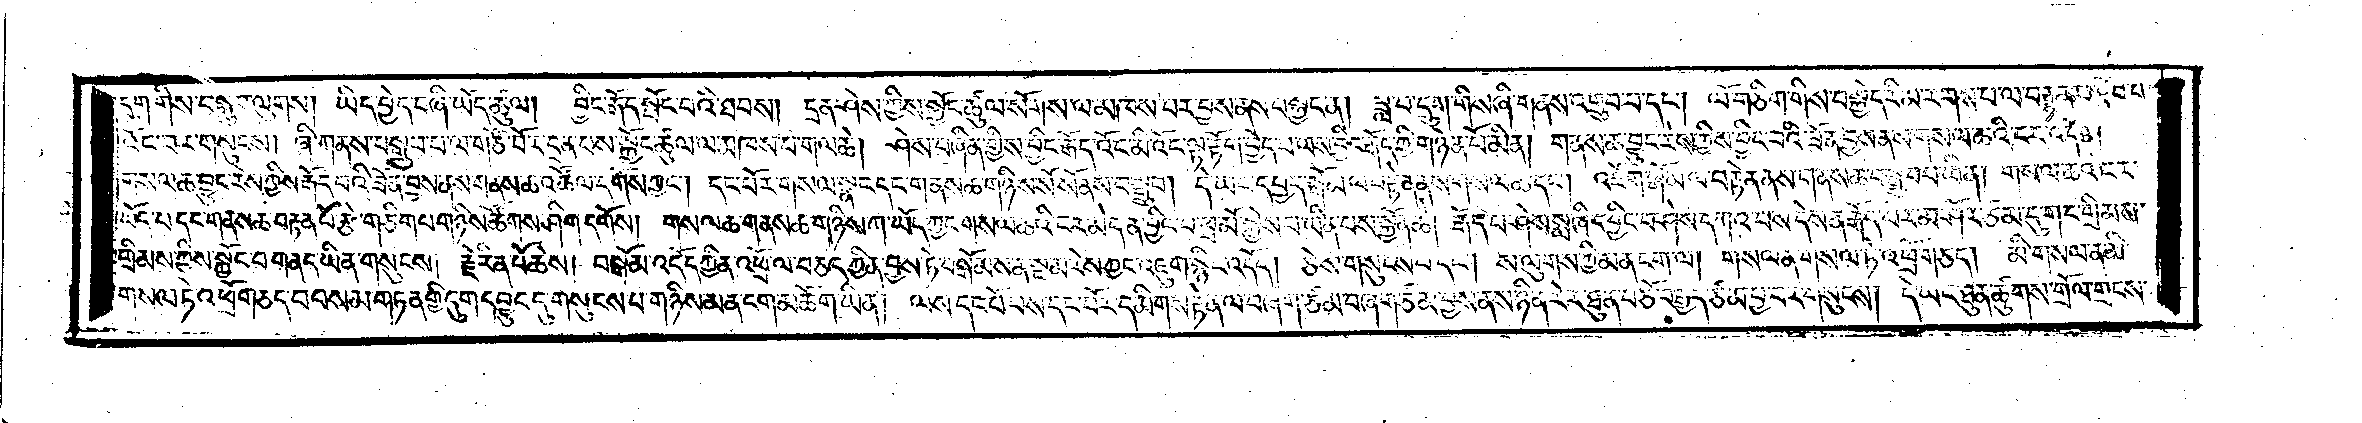དྲུག་གིས་བསྒྲུབ་ལུགས། ཡིད་བྱེད་བཞི་ཡོད་ཚུལ། བྱིང་རྒོད་སྤོང་བའི་ཐབས། དྲན་ཤེས་ཀྱིས་སྐྱོང་ཚུལ་སོགས་ལ་མཁས་པར་བྱས་ནས་བསྐྱད་ན། ཟླ་བ་དྲུག་གིས་ཞི་གནས་འགྲུབ་པ་དང་། ལོ་གཅིག་གིས་བསྐྱེད་རིམ་རགས་པ་ལ་བརྟན་པ་ཐོབ་པ་
འོང་བར་གསུངས། ཞི་གནས་བསྒྲུབ་པ་ལ་གཙོ་བོར་དྲན་པས་སྐྱོང་ཚུལ་ལ་མཁས་པ་གལ་ཆེ། ཤེས་བཞིན་གྱིས་བྱིང་རྒོད་འོང་མི་འོང་ལྟ་རྟོག་བྱེད་པ་ལས་བྱིང་རྒོད་ཀྱི་གཉེན་པོ་མིན། གནས་ཆ་བྱུང་རེས་ཀྱིས་བྱིང་བའི་ཟོན་བྱས་ནས་གསལ་ཆའི་ངར་འདོན།
གསལ་ཆ་བྱུང་རེས་ཀྱིས་གོང་བའི་ཟོན་བྱས་ནས་གནས་ཆ་འཚོལ་དགོས་ཀྱང་། དང་པོར་གསལ་སྣང་དང་གནས་ཆ་གཉིས་སོ་སོ་ནས་བསྒྲུབ། དེ་ཡང་དཔྱད་སྒོམ་ལ་བརྟེན་ནས་གསལ་ཆ་དང་། འཇོག་སྒོམ་ལ་བརྟེན་ནས་གནས་ཆ་བསྒྲུབ་པ་ཡིན། གསལ་ཆའི་ངར་
ཡོད་པ་དང་གནས་ཆ་བརྟན་པོ་རྩེ་གཅིག་པ་གཉིས་ཚོགས་ཤིག་དགོས། གསལ་ཆ་གནས་ཆ་གཉིས་ཀ་ཡོད་ཀྱང་གསལ་ཆའི་ངར་མེད་ན་བྱིང་བ་ཕྲ་མོ་སྐྱེས་བ་ཡིན་པས་སྐྱོན་ཆེ། རྒོད་བཤེས་སླ་ཞིང་བྱིད་བ་ཤེས་དཀའ་བས་དེས་ན་རྒོད་པར་མ་ཤོར་ཙམ་དུ་གང་གྲིམས་
གྲིམས་ཀྱིས་སྐྱོང་བ་གནད་ཡིན་གསུངས། རྗེ་རིན་པོ་ཆེས། བསྒོམ་འདོད་ཀྱིན་འཕྲོལ་བ་ཅད་ཀྱིན་བྱས་ཏེ་བསྒོམས་ན་སྔ་མ་རེས་ཀྱང་འཇུག་སྙིང་འདོད། ཅེས་གསུངས་པ་དང་། ས་ལུགས་ཀྱི་མན་ངག་ལ། གསལ་ན་གསལ་ཏེ་འཕྲོ་གཅད། མི་གསལ་ན་མི་
གསལ་ཏེ་འཕྲོ་གཅང་པ་བསམ་གཏན་གྱི་དུག་དབྱུང་དུ་གསུངས་པ་གཉིས་མན་ངག་མཆོག་ཡིན། ལས་དང་པོ་པས་དང་པོར་དམིགས་རྟེན་ལ་བཞག་ཙམ་བཞག་ཙམ་བྱས་ནས་ཉིན་རེར་ཐུན་བཅོ་བརྒྱད་ཙམ་བྱ་བར་གསུངས། དེ་ཡང་ཐུན་ཚུགས་གྲོལ་གྲངས་